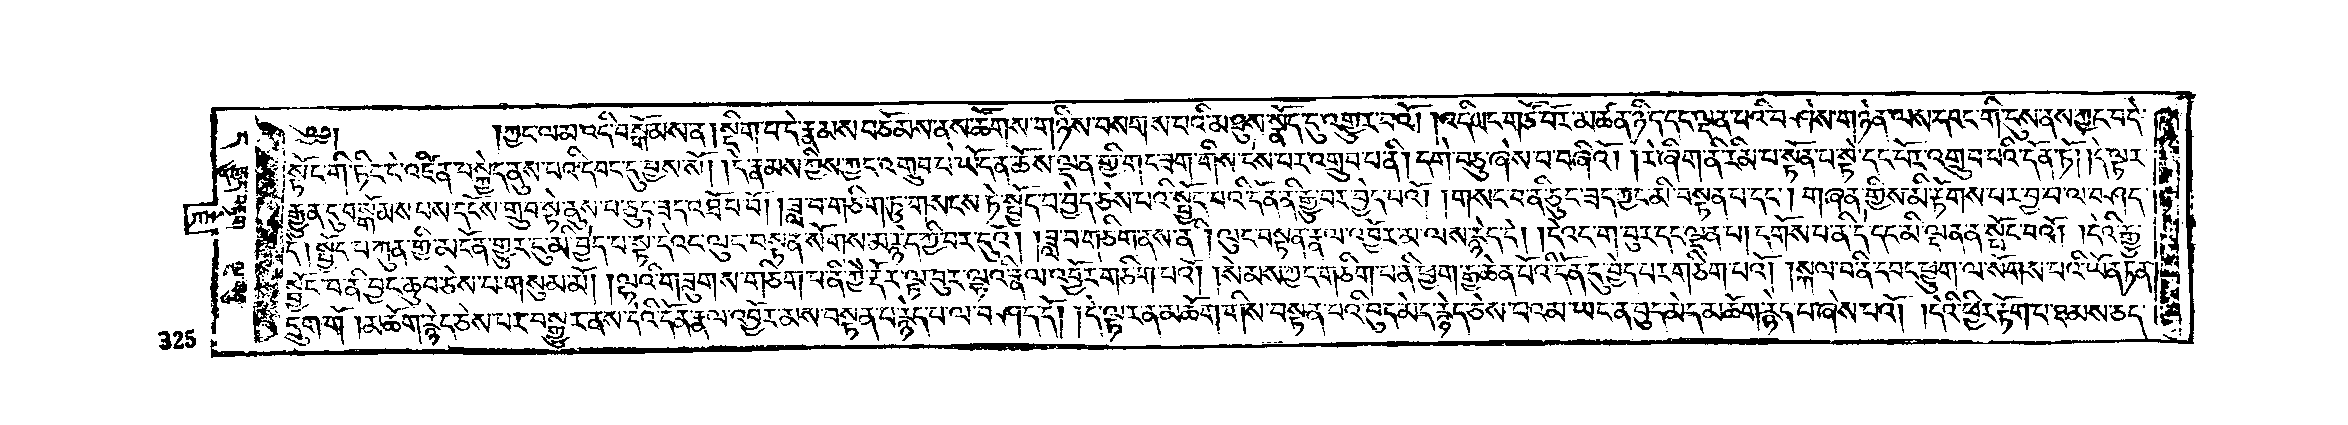༄༅། །ཀྱང་ལམ་འདི་བསྒོམས་ན། སྡིག་པ་དེ་རྣམས་བཅོམས་ནས་ཚོགས་གཉིས་བསགས་པའི་མཐུས་སྣོད་དུ་འགྱུར་བའོ། །འདི་ཡང་གཙོ་བོར་མཚན་ཉིད་དང་ལྡན་པའི་བཤེས་གཉེན་ལས་དབང་གི་དུས་ནས་ཀྱང་བདེ་
སྟོང་གི་ཏིང་ངེ་འཛིན་བསྐྱེད་ནུས་པའི་དབང་དུ་བྱས་སོ། །དེ་རྣམས་ཀྱིས་ཀྱང་འགྲུབ་པ་ཡོད་ན་ཆོས་ལྡན་གྱི་གང་ཟག་གིས་ངེས་པར་འགྲུབ་པ་ནི། དགེ་བཅུ་ཞེས་པ་བཞིའོ། །རེ་ཞིག་ནི་རིམ་པ་སྟོན་པ་སྟེ་དང་པོར་འགྲུབ་པའི་དོན་ཏོ། །དེ་ལྟར་
རྒྱུན་དུ་བསྒོམས་པས་དངོས་གྲུབ་སྟེ་ནུས་པ་ཅུང་ཟད་འཐོབ་བོ། །ཟླ་བ་གཅིག་ཏུ་གསངས་ཏེ་སྤྱོད་པ་བྱེད་ཅེས་པའི་སྤྱོད་པའི་དོན་ནི་རྒྱུ་བར་བྱེད་པའོ། །གསང་བ་ནི་ཅུང་ཟད་ཀྱང་མི་བསྟན་པ་དང་། གཞན་གྱིས་མི་རྟོགས་པར་བྱ་བ་ལ་བཤད་
དེ། སྤྱོད་པ་ཀུན་གྱི་མངོན་གྱུར་དུ་མི་བྱེད་པ་སྟེ་དེའང་ལུང་བསྟན་སོགས་མ་རྙེད་ཀྱི་བར་དུའོ། །ཟླ་བ་གཅིག་ནས་ནི། ལུང་བསྟན་རྣལ་འབྱོར་མ་ལས་རྙེད་དེ། །དེའང་ག་བུར་དང་ལྡན་པ། དགོས་པ་ནི་དེ་དང་མི་ལྡན་ན་སྤོང་བའོ། །དེའི་རྒྱུ་
སྦྱོང་བ་ནི་བྱང་ཆུབ་ཅེས་པ་གསུམ་མོ། །ལྷའི་གཟུགས་གཅིག་པ་ནི་ཀྱཻ་རྡོར་ལྟ་བུར་ལྷའི་རྣལ་འབྱོར་གཅིག་པའོ། །སེམས་ཀྱང་གཅིག་པ་ནི་ཕྱག་རྒྱ་ཆེན་པོའི་དོན་དུ་བྱེད་པར་གཅིག་པའོ། །སྐལ་བ་ནི་དབང་ཕྱུག་ལ་སོགས་པའི་ཡོན་ཏན་
དྲུག་གོ །མཆོག་རྙེད་ཅེས་པར་བསྒྱུར་ནས་དེའི་དོན་རྣལ་འབྱོར་མས་བསྟན་པ་རྙེད་པ་ལ་བཤད་དོ། །དེ་ལྟར་ན་མཆོག་གིས་བསྟན་པའི་བུད་མེད་རྙེད་ཅེས་པའམ་ཡང་ན་བུད་མེད་མཆོག་རྙེད་པ་ཞེས་པའོ། །དེའི་ཕྱིར་རྟོག་པ་ཐམས་ཅད་